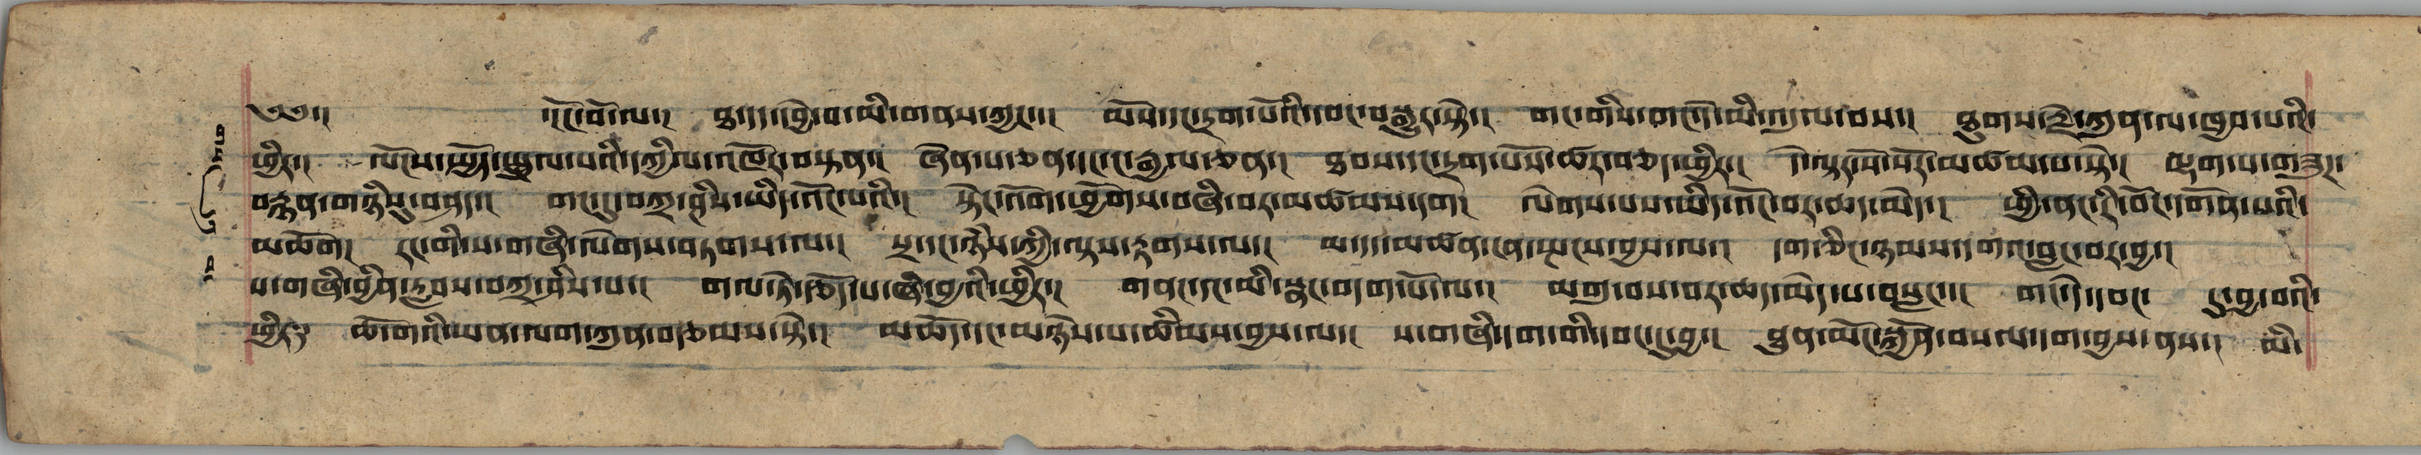༄༅་། ་།ངོ་བོ་ལ་། ཐ་དད་དབྱེ་བ་མི་གནས་ཀྱང་་། མོས་དང་དྲག་པོའི་དབང་བསྒྱུར་སྟེ་། གང་གིས་གང་དེ་མི་འདུལ་བས་། ཐུགས་རྗེ་ཀུན་ལ་ཁྱབ་པའི་
ཕྱིར་། ལོངས་སྤྱོད་སྤྲུལ་པའི་དཀྱིལ་འཁོར་བསྟན་། ཞེན་པ་ཅན་དང་ང་རྒྱལ་ཅན་། ཐབས་དང་དྲག་པོས་ཚར་བཅད་ཕྱིར་། དེ་ལྟར་སོ་སོར་མཚམ་པ་སྟེ་། ལྷག་པ་གཟུཌ་
བརྙན་གཉིསུ་བཤད་། གང་དུ་བཀྲ་ཤིས་ཡིད་འོང་པའི་། སྟེང་འོག་ཕྱོགས་བཞི་བར་མཚམས་དག། ལེགས་པས་ཡིད་འོང་བར་ཆད་མེད་། ཕྱི་ནང་རི་བོང་དགོན་པའི་
མཆོག། རང་གི་ས་གཞི་ལེགས་བཏགས་ལ་། སྲ་དང་ཉཾས་ཀྱི་ལྟས་རྟགས་ལ་། མ་དད་མཚན་ངན་སྤངས་བྱས་ལ་། དག་ཅིང་ཉམས་དགའ་བླང་བར་བྱ་།
ས་གཞི་བྱིན་རླབས་བཀྲ་ཤིས་པ་། གལ་ཏེ་རྩོད་པ་ཞི་བྱའི་ཕྱིར་། གནང་དང་མི་སྣང་བདག་པོ་ལ་། མགུ་བས་བར་ཆད་མེད་པ་བསླང་་། གང་དེ་དབང་ དུ་བྱ་བའི་
ཕྱིར༑ ཆོ་གའི་ཡན་ལག་ཀུན་བརྩམས་སྟེ་། མཆོད་དང་མཉེས་པ་ཚིམས་བྱས་ལ་། ས་གཞི་དག་པའི་དབང་དུ་བྱ་། ཐུན་མོང་སྐྱོན་བསལ་དག་བྱས་ནས་། མི་